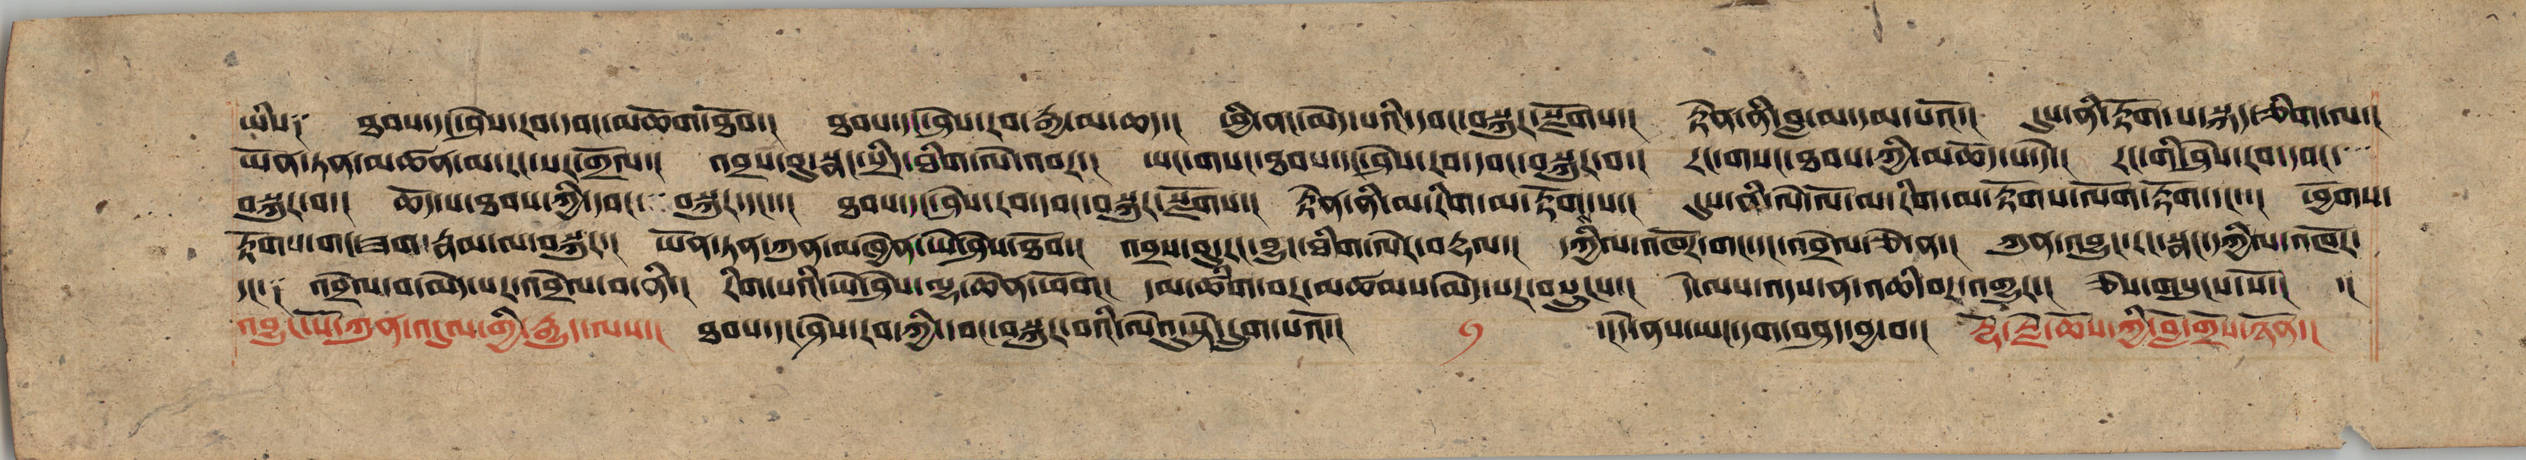ཡིས༑ ཐབས་དང་ཤེས་རབ་དབང་མཆོག་ཐོབ་། ཐབས་དང་ཤེས་རབ་རྒྱ་མ་ཆད་། ཕྱི་ནང་མེད་པའི་དབང་བསྐུར་སྫོགས་། རྟེན་ནི་བླ་མ་དམ་པའོ་། དུས་ནི་རྟོག་པ་སྐད་ཅིག་ལ་།
ཡོན་ཏན་མཚན་མ་རང་སར་གྲོལ་། འབྲས་བུ་སྣང་སྲིད་ཐིག་ལེ་འབར་། ཡང་གསང་ཐབས་དང་ཤེས་རབ་དབང་བསྐུར་བ་། རང་གསང་ཐབས་ཀྱི་མཆོད་པ་དེ་། རང་གི་ཤེས་རབ་དབང་
བསྐུར་བ་། ཆོད་པ་ཐབས་ཀྱི་དབང་ བསྐུར་དང་་། ཐབས་དང་ཤེས་རབ་དབང་བསྐུར་སྫོགས་། རྟེན་ནི་མ་རིག་མ་རྟོག་པ་། དུས་ནི་ལེ་ལོ་མ་རིག་མ་རྟོག་ལོག་རྟོག་དང་་། ཕྱོགས་
རྟོགས་གང་ཟག་རྣམ་ལ་བསྐུར་། ཡོན་ཏན་ཀུན་མཁྱེན་ཡེ་ཤེས་ཐོབ་། འབྲས་བུ་རང་བྱུང་ཐིག་ལེར་བརྡལ་། དཀྱིལ་འཁོར་གང་དང་འབྲེལ་ཅེ་ན་། ཀུན་འབྱུང་རང་སྣང་དཀྱིལ་འཁོར་
དང་༑ འབྲེལ་བ་མེད་པར་འབྲེལ་བ་ནི་། རིག་པའི་ཡེ་ཤེས་ལྷ་ཆེན་ཕོག། དམ་ཚིག་བར་མཚམས་མེད་པར་བསྲུངས་། དེ་ལས་འདས་ན་འཆི་བར་འགྱུར་། ཅེས་གསུངས་སོ་།
འབྱུང་པོ་ཀུན་འདུལ་གྱི་རྒྱུད་ལས་། ཐབས་དང་ཤེས་རབ་ཀྱི་དབང་བསྐུར་བའི་ལེའུ་སྟེ་དྲུག་པའོ་། ཧ ་།དེ་ནས་ཡང་དག་བཤད་བྱ་བ་། རྡོ་རྗེ་ཆོས་ཀྱི་བློ་གྲོས་ཉོན་།